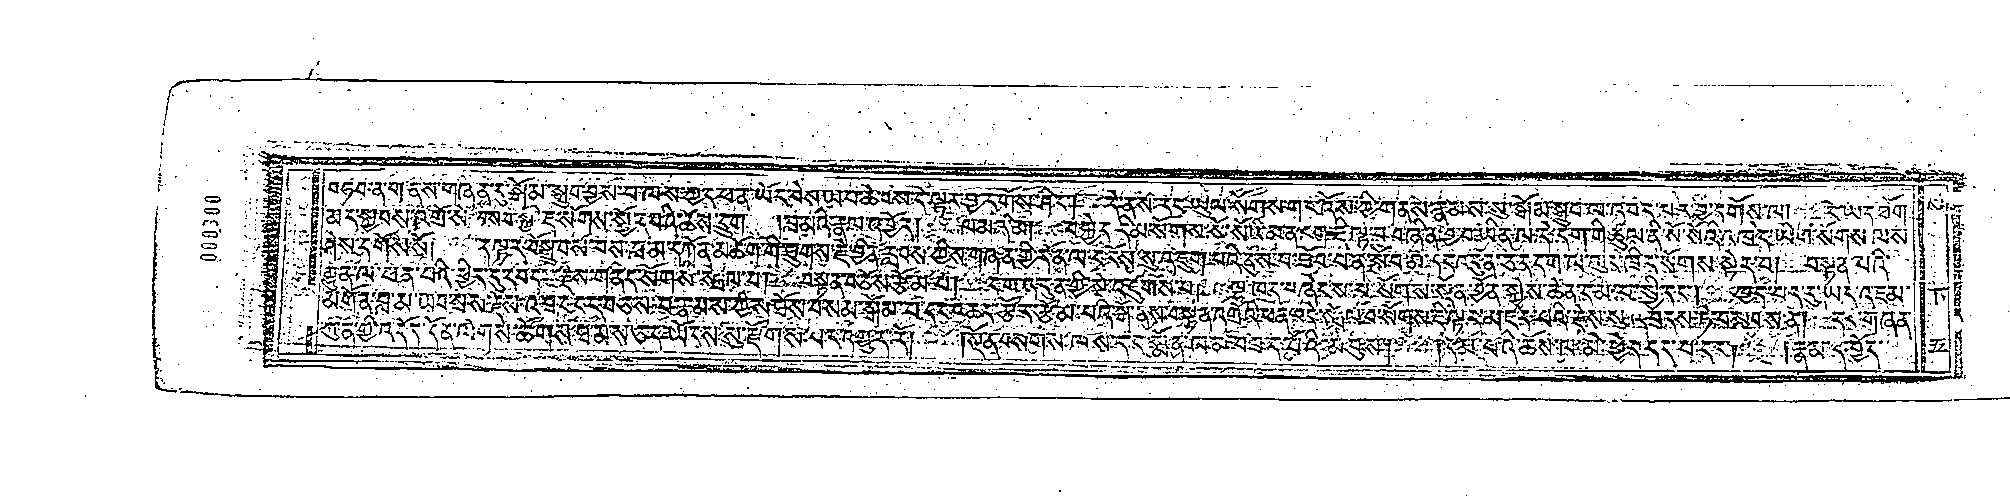བཏབ་ན་གནས་གཞན་དུ་སྒོམ་སྒྲུབ་བྱས་པ་ལས་ཀྱང་ཕན་ཡོད་བེས་ཡབ་ཆེ་བས་དེ་ལྟར་བྱ་དགོས་ཤིང་། དེ་ནས་རང་ཡུལ་སོགས་གང་འོས་ཀྱི་གནས་རྣམས་སུ་སྒོམ་སྒྲུབ་ལ་འབང་པར་བྱ་དགོས་ལ། དེ་ཡང་ཐོག་
མར་སྐྱབས་འགྲོ་སེམས་བསྐྱེད་སོགས་སྤྱོར་བའི་ཆོས་དྲུག །བླ་མའི་རྣལ་འབྱོར། ལམ་རིམ། བསྐྱེད་རིམ་སོགས་སོ་སོའི་མན་ངག་ཇི་ལྟ་བ་བཞིན་བྱ་བ་ཡིན་ལ་དེ་དག་གི་ཚུལ་ནི་སོ་སོའི་འཁྲིད་ཡིག་སོགས་ལས་
ཤེས་དགོས་སོ། ད་ལྟར་བོ་སྒྲུབས་བས་བླ་མ་དཀོན་མཆོག་གི་ཐུགས་རྗེ་བྱིན་རླབས་ཀྱིས་གཞན་གྱི་དོན་ལ་དངོས་སུ་འཇུག་པའི་ནུས་བ་ཐོབ་པ་ན་སློབ་མ་དང་འདུན་ཅན་དག་ལ་ལུང་ཁྲིད་སོགས་སྟེར་བ། བསྟན་པའི་
རྒྱུན་ལ་ཕན་པའི་ཕྱིར་དུ་དབང་རྗེས་གནང་སོགས་སྤེལ་པ། བསྟན་བཅོས་རྩོམ་པ། དགེ་འདུན་གྱི་སྡེ་འཛུགས་པ། ལྷ་ཁང་བཞེངས་པ་སོགས་སྡོན་བྱོན་སྐྱེས་ཆེན་དམ་པ་སྤྱི་དང་། ཁྱད་པར་དུ་ཡང་འཇམ་
མགོན་བླ་མ་ཡབ་སྲས་རྗེས་འབྲང་ངང་བཅས་བ་རྣམས་ཀྱིས་ཐོས་བསམ་སྒོམ་པ་དང་འཆང་རྩོད་རྩོམ་པའི་སྒོ་ནས་བསྟན་འགྲོའི་ཕན་བདེ་སྤེལ་བ་སོགས་ཇི་ལྟར་མཛད་པའི་རྗེས་སུ་འབྲངས་ཏེ་བསླབས་ན། རང་གཞན་
ཀུན་གྱི་འདོར་དོན་ལེགས་ཚོགས་ཐམས་ཅད་ཡོངས་སུ་རྫོགས་པར་འགྱུར་རོ། །སྔོན་བསགས་ལས་དང་སྨོན་ལམ་བཟང་པོའི་མ་བུས། །དམ་པའི་ཆོས་ལ་མེ་ཕྱེད་དང་པ་དང་། །རྣམ་དཔྱོད་